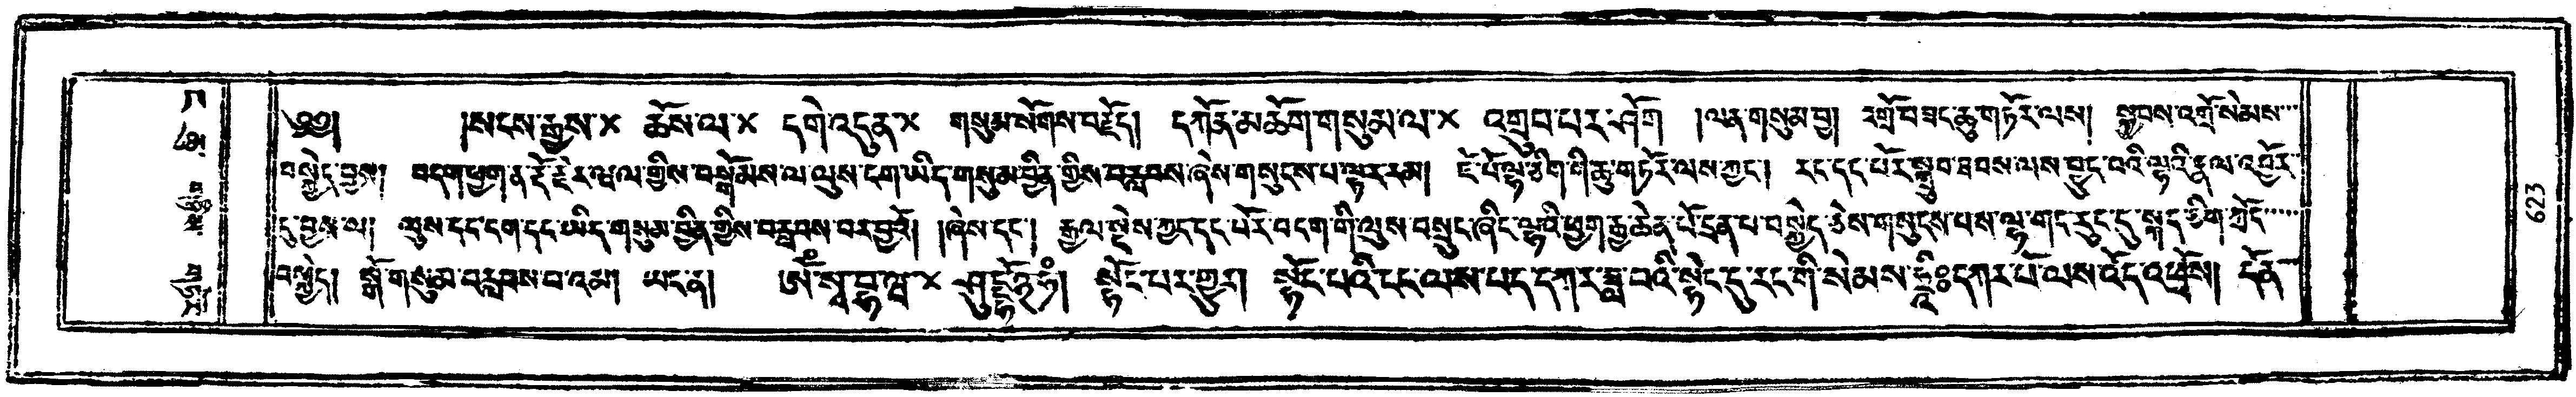༄༅། །སངས་རྒྱས་྾་ཆོས་ལ་྾་དགེ་འདུན་྾་གསུམ་སོགས་བརྗོད། དཀོན་མཆོག་གསུམ་ལ་྾་འགྲུབ་པར་ཤོག །ལན་གསུམ་བྱ། འགྲོ་བཟང་ཆུ་གཏོར་ལས། སྐྱབས་འགྲོ་སེམས་
བསྐྱེད་བྱས། བདག་ཕྱག་ན་རྡོ་རྗེར་ཝལ་གྱིས་བསྒོམས་ལ་ལུས་ངག་ཡིད་གསུམ་བྱིན་གྱིས་བརླབས་ཞེས་གསུངས་པ་ལྟར་རམ། ཇོ་པོ་ལྷ་ཅིག་གི་ཆུ་གཏོར་ལས་ཀྱང་། རང་དང་པོར་སྒྲུབ་ཐབས་ལས་བྱུང་བའི་ལྷའི་རྣལ་འབྱོར་
དུ་བྱས་ལ། ལུས་དང་ངག་དང་ཡིད་གསུམ་བྱིན་གྱིས་བརླབས་པར་བྱའོ། །ཞེས་དང་། རྒྱལ་སྡེས་ཀྱང་དང་པོར་བདག་གི་ལུས་བསྲུང་ཞིང་ལྷའི་ཕྱག་རྒྱ་ཆེན་པོ་དྲན་པ་བསྐྱེད་ཅེས་གསུངས་པས་ལྷ་གང་རུང་དུ་སྐད་ཅིག་ཀྲོང་
བསྐྱེད། སྒོ་གསུམ་བརླབས་བ་འམ། ཡང་ན། ཨོཾ་སྭ་བྷ་ཝ་྾་ཤུདྡྷོ་ཉྷཾ། སྟོང་པར་གྱུར། སྟོང་པའི་ངང་ལས་པད་དཀར་ཟླ་བའི་སྟེང་དུ་རང་གི་སེམས་ཧྲཱིཿ དཀར་པོ་ལས་འོད་འཕྲོས། དོན་